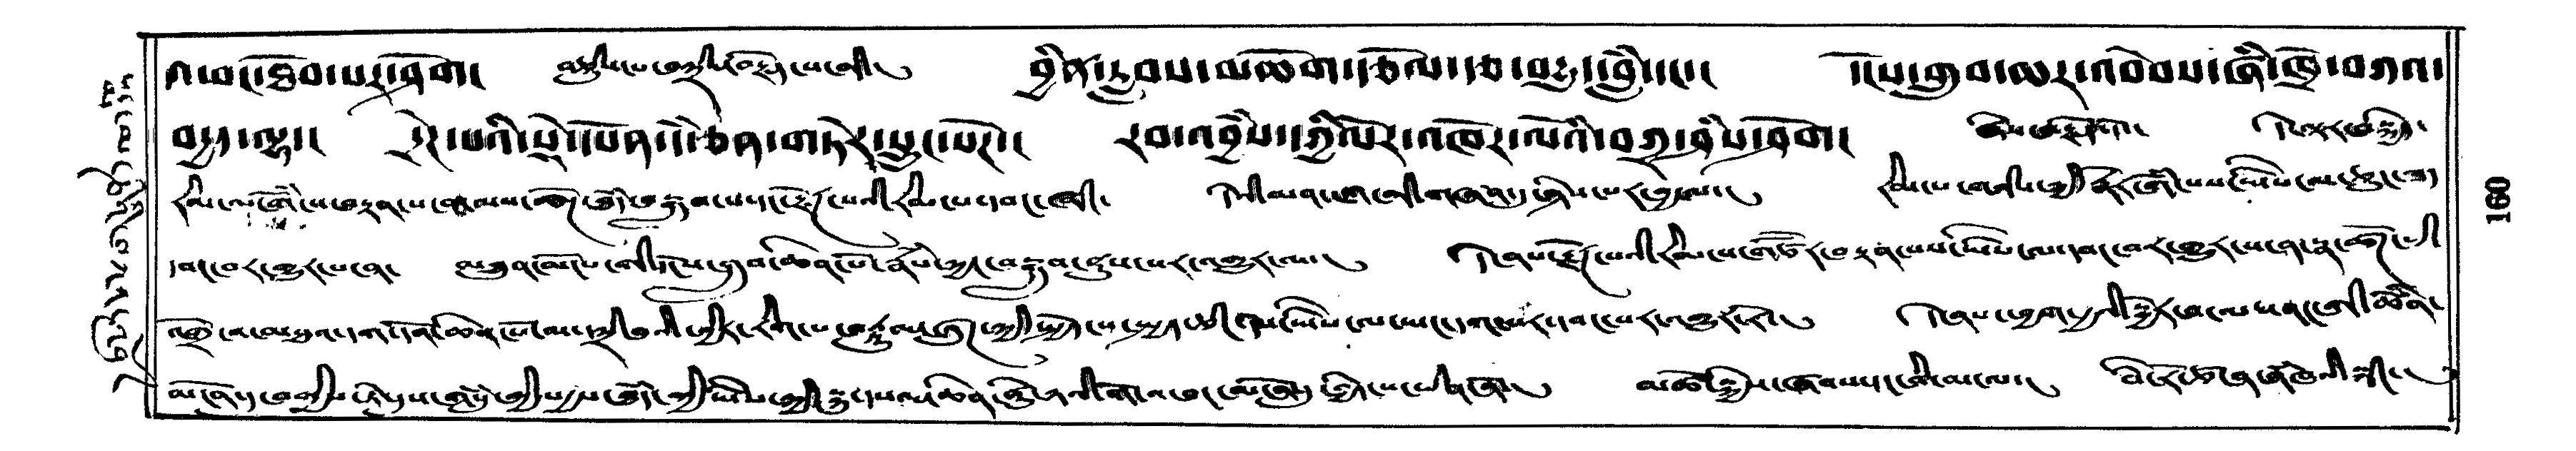འཕང་འཐོབ་པར་ཤོག ། བཅུ་གཉིས་པ་བཀྲ་ཤིས་བརྗོད་པ་ནི། བྱིན་བརླབས་མཆོག་སྩོལ་རྩ་བརྒྱུད་བླ་མ་དང་། །དངོས་གྲུབ་ཆར་འབེབས་ཞི་ཁྲོ་བཀའ་
བརྒྱད་ལྷ། །དྲེགས་པའི་སྡེ་དཔོན་དམ་ཅན་གཏེར་སྲུང་སོགས། །རབ་འབྱམས་དཀྱིལ་འཁོར་འཁོར་ལོའི་བཀྲ་ཤིས་ཤོག །ཅེས་བརྗོད་དོ།། དེ་ལྟར་བསྐྱེད་
རིམ་ལ་གོམས་པ་བརྟན་པ་ན་ལས་ཚོགས་ཐམས་ཅད་བསྒྲུབ་པ་དང་རྫོགས་པའི་རིམ་པ་ལ་དབང་ཞིང་། དེའི་མན་ངག་ནི་གཞན་དུ་ཤེས་པར་བྱ་ལ། རིམ་པ་གཉིས་ཀྱི་རྣལ་འབྱོར་གོམས་པས་ཡེ་ཤེས་ལ་ཅུང་ཟད་
དབང་བར་གྱུར་པ་ན། ཐུན་མོང་གི་དངོས་གྲུབ་ཆེན་པོ་རྣམས་ཀྱང་བསྒྲུབ་ནུས་པར་འགྱུར་ལ། དེ་ནས་རྫོགས་པའི་རིམ་པ་གཙོ་བོར་བསྟན་པས་ཡེ་ཤེས་ལ་དབང་བར་གྱུར་པ་ན་སྣ་ཚོགས་པའི་
འགྲོ་བ་མཐའ་དག་དོན་ཆེན་པོ་ལ་དཀྲི་བའི་ཕྱིར་རིག་པ་བརྟུལ་ཞུགས་ཀྱི་སྤྱོད་པ་སྤྱད་ཅིང་དེས་ཡེ་ཤེས་ལ་ཡང་དག་པར་དབང་བར་འགྱུར་རོ།། དེ་ནས་ཕྱག་རྒྱའི་སྦྱོར་བ་ལས་ནང་གི་ཆེན་པོ་
མངོན་དུ་བགྱིས་ཏེ་དུས་གསུམ་གྱི་སངས་རྒྱས་ཐམས་ཅད་ཀྱི་ཡེ་ཤེས་ཀྱི་སྐུ་དཔལ་ཆེན་ཧེ་རུ་ཀའི་གོ་འཕང་མངོན་དུ་བྱེད་པ་ཡིན་ནོ།།མཚོ་སྐྱེས་ཞབས་དང་བི་མ་ལ། བཻ་རོ་ཙ་ན་ནམ་མཁའི་སྙིང་།།